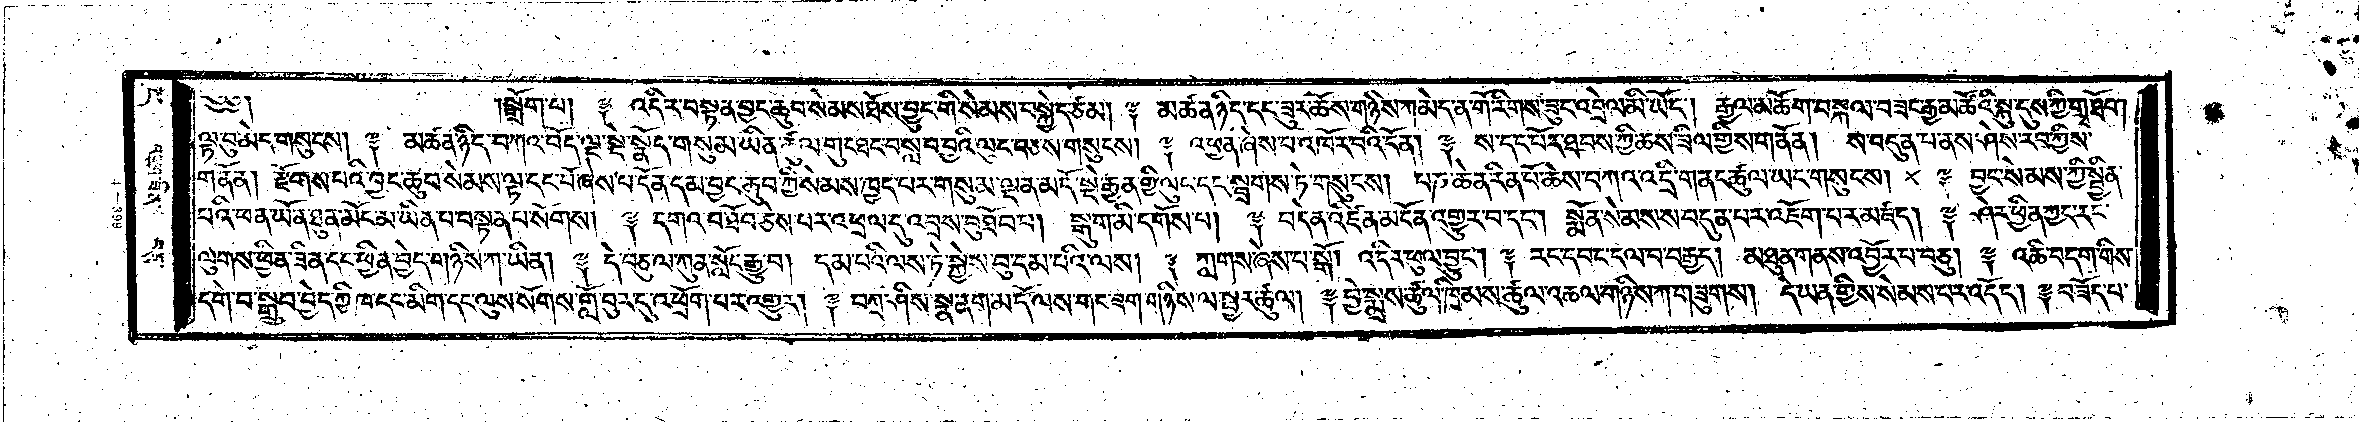༄༅། །སྒྲོག་པ། ༈ འདིར་བསྟན་བྱང་ཆུབ་སེམས་ཐོས་བྱུང་གི་སེམས་བསྐྱེད་ཙམ། ༈ མཚན་ཉིད་དང་ཟུར་ཆོས་གཉིས་ཀ་མེད་ན་གོ་རིགས་ཟུང་འབྲེལ་མི་ཡོད། རྒྱལ་མཆོག་བསྐལ་བཟང་རྒྱ་མཚོའི་སྐུ་དུས་ཀྱི་གྲྭ་ཐོབ།
ལྟ་བུ་མེད་གསུངས། ༈ མཚན་ཉིད་བཀའ་བོད་ལྔ་སྡེ་སྣོད་གསུམ་ཡིན་ཚུལ་གུང་ཐང་བསླབ་བྱའི་ལུང་བཅས་གསུངས། ༈ འཕྱན་ཞེས་པ་འཁོར་བའི་དོན། ༈ ས་དང་པོར་ཐབས་ཀྱི་ཆས་ཟིལ་གྱིས་གནོན། ས་བདུན་པ་ནས་ཤེས་རབ་ཀྱིས་
གནོན། རྫོགས་པའི་བྱང་ཆུབ་སེམས་ལྟ་དང་པོ་ཞེས་པ་དོན་དམ་བྱང་ཆུབ་ཀྱི་སེམས་ཁྱད་པར་གསུམ་ལྡན་མདོ་སྡེ་རྒྱན་གྱི་ལུང་དང་སྦྲགས་ཏེ་གསུངས། པཎ་ཆེན་རིན་པོ་ཆེས་བཀའ་འདྲི་གནང་ཚུལ་ཡང་གསུངས། ྾་༈ བྱང་སེམས་ཀྱི་སྦྱིན་
པའི་ཕན་ཡོན་ཐུན་མོང་མ་ཡིན་པ་བསྟན་པ་སོགས། ༈ དགའ་བ་ཐོབ་ཅེས་པར་འཕྲལ་དུ་འབྲས་བུ་ཐོབ་པ། སྒུག་མི་དགོས་པ། ༈ བདེན་འཛིན་མངོན་འགྱུར་བ་དང་། སྨོན་སེམས་ས་བདུན་པར་འཇོག་པར་མཛད། ༈ ཤེར་ཕྱིན་ཀྱང་རང་
ལུགས་ཕྱིན་ཟིན་དང་ཕྱིན་བྱེད་གཉིས་ཀ་ཡིན། ༈ དེ་བཅུ་ལ་ཀུན་སློང་རྒྱུ་བ། དམ་པའི་ལས་ཏེ་སྐྱེས་བུ་དམ་པའི་ལས། ༈ ཀླགས་ཞེས་པ་སྒོ། འདིར་ཕུལ་བྱུང་། ༈ རང་དབང་དལ་བ་བརྒྱད། མཐུན་གནས་འབྱོར་བ་བཅུ། ༈ འཆི་བདག་གིས་
དགེ་བ་སྒྲུབ་བྱེད་ཀྱི་ཁ་དང་མིག་དང་ལུས་སོགས་གློ་བུར་དུ་འཕྲོག་པར་འགྱུར། ༈ བཀྲ་ཤིས་སྣ་ནག་མདོ་ལས་གང་ཟག་གཉིས་ལ་སྦྱར་ཚུལ། ༈ བྱེ་སྨྲས་ཚུལ་ཁྲིམས་ཚུལ་འཆལ་གཉིས་ཀ་གཟུགས། དེ་ཡན་གྱིས་སེམས་པར་འདོད། ༈ བཟོད་པ་